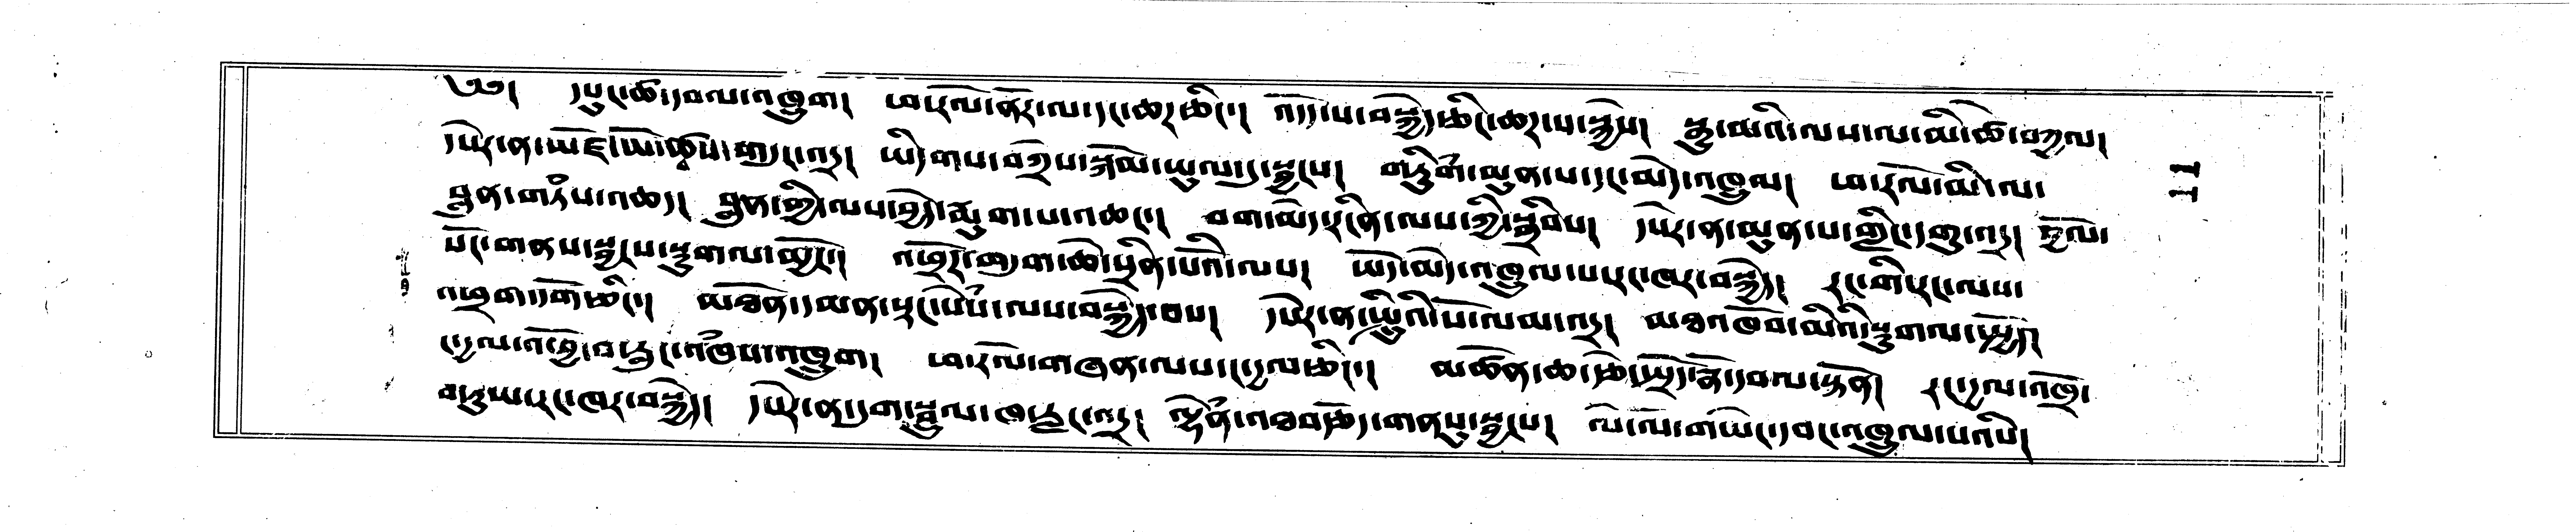དཔུང་ཚ་དབལ་འཁྲུག ཕ་རོལ་ནོར་ལ་དངས་ཆགས་ཤིང་། འདོད་པ་བསྐྱེད་ཅིང་ཆགས་པ་སྐྱེས། སྒྱུ་མའི་ལས་ལ་མི་ཚེ་བསྐྱལ། 
དཔེར་ན་མཛོ་མོ་ཚྭས་གདུང་འདྲ། ཡི་དྭགས་བཀྲེས་སྐོམ་ཡུལ་དུ་སྦྱངས། གཏི་མུག་མུན་པ་དང་མེད་འཁྲུལ། ཕ་རོལ་མི་ལ་
བླུན་གཏམ་འཆད། བླུན་གྱི་ལས་བྱེད་སྨུག་པ་འཆང་། བག་མེད་རང་བཞིན་ལས་ཀྱིས་བསྒྲིབས། དཔེར་ན་མུན་པ་གླིང་དགུ་འདྲ། བྱོལ་
སོང་གནས་སྦྱངས་སྡུག་བསྔལ་མྱོང་། འཕྲག་དོག་གདུག་ཆེ་སྲིན་པོའི་ལས། ཡོད་མེད་འཁྲུལ་པ་རང་ཁར་བསྐྱེད། རང་རང་ལས་
འཕྲག་དོག་ཅིང་། མཐོ་དམན་སྡང་སེམས་ལས་བསྐྱེད་པས། དཔེར་ན་སྤུ་གྲིའི་སོ་ལམ་འདྲ། མཐའ་འཁོབ་མིའི་སྡུག་བསྔལ་སྤྱོད། 
ང་རྒྱལ་འཕྱོ་བ་རླུང་ཁམས་འཁྲུག ཕ་རོལ་གཞན་ལས་ང་རྒྱལ་ཅིང་། མཚོན་ཆ་རྩེ་སྤྲོད་རྣོ་དབལ་སྟོན། རང་རྒྱལ་འཁྲོ་
གཏུམ་རང་ཁར་བསྐྱེད། དཔར་ན་དུག་སྦྲུལ་ཁ་རླངས་འདྲ། ལྷ་མེན་འཐབ་རྩོད་གནས་སུ་སྦྱངས། ལེ་ལོ་གཡེང་དབང་འཁྲུལ་པ་ཡིས།